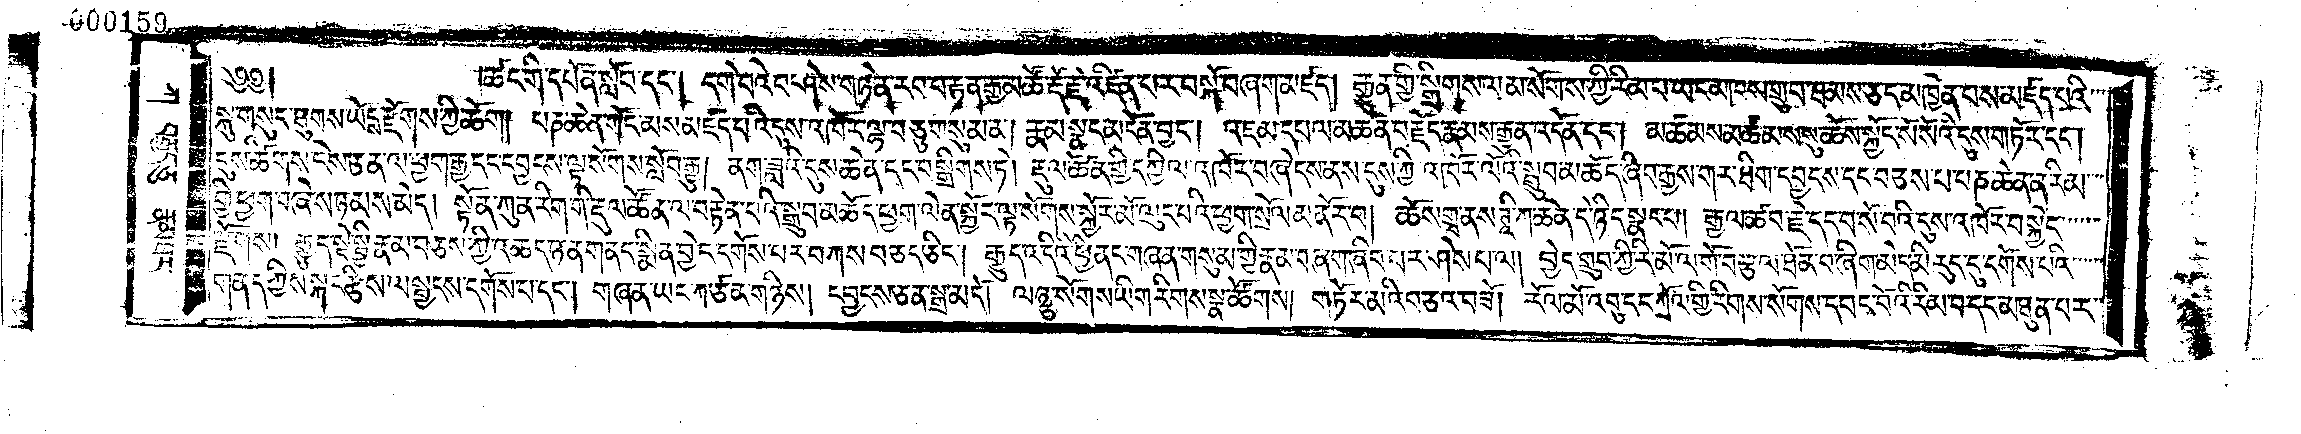༄༅། །ཚང་གི་དཔོན་སློབ་དང་། དགེ་བའི་བཤེས་གཉེན་རབ་བརྟན་རྒྱ་མཚོ་རྡོ་རྗེ་འཛིན་པར་བསྐོ་བཞག་མཛད། རྒྱུན་གྱི་སྒྲིགས་ལམ་སོགས་ཀྱི་རིམ་པ་ཡང་མཁས་གྲུབ་ཐམས་ཅད་མཁྱེན་པས་མཛད་པའི་
སྐུ་གསུང་ཐུགས་ཡོངས་རྫོགས་ཀྱི་ཆོ་ག། པཎ་ཆེན་གོང་མས་མཛད་པའི་དུས་འཁོར་ལྷ་བཅུ་གསུམ་མ། རྣམ་སྣང་མངོན་བྱང་། འཇམ་དཔལ་མཚན་བརྗོད་རྣམས་རྒྱན་འདོན་དང་། མཚམས་མཚམས་སུ་ཆོས་སྐྱོང་སོ་སོའི་དུས་གཏོར་དང་།
དུས་ཚིགས་ངེས་ཅན་ལ་ཕྱག་རྒྱ་དང་དབྱངས་ལྟ་སོགས་སློབ་རྒྱུ། ནག་ཟླའི་དུས་ཆེན་དང་བསྒྲིགས་ཏེ། རྡུལ་ཚོན་གྱི་དཀྱིལ་འཁོར་བཞེངས་ནས་དུས་ཀྱི་འཁོར་ལོའི་སྒྲུབ་མཆོད་ཞིབ་རྒྱས་གར་ཐིག་དབྱངས་དང་བཅས་པ་པཎ་ཆེན་ན་རིམ་
གྱི་ཕྱག་བཞེས་ཉམས་མེད། སྟོན་ཀུན་རིག་གི་རྡུལ་ཚོན་ལ་བརྟེན་པའི་སྒྲུབ་མཆོད་ཕྱག་ལེན་སྐྱོར་ལྟ་སོགས་སྐྱོར་མོ་ལུང་པའི་ཕྱག་སྲོལ་མནོར་བ། ཆོས་གྲྭ་ནས་ཊཱིཀ་ཆེན་དེ་ཉིད་སྣང་བ། རྒྱལ་ཚབ་རྗེ་དང་བ་སོ་བའི་དུས་འཁོར་བསྐྱེད་
རྫོགས། རྒྱུད་སྡེ་སྤྱི་རྣམ་བཅས་ཀྱི་འཆད་ཉན་གནད་སྨིན་བྱེད་དགོས་པར་བཀས་བཅད་ཅིང་། རྒྱུད་འདིའི་ཕྱི་ནང་གཞན་གསུམ་གྱི་རྣམ་བཞག་ཞི་བར་ཤེས་པ་ལ། བྱེད་གྲུབ་ཀྱི་རི་མོ་ལ་གོ་བརྩལ་ཐོན་པ་ཞིག་མེད་མི་རུང་དུ་དགོས་པའི་
གནད་ཀྱིས་སྐར་རྩིས་ལ་སྦྱངས་དགོས་པ་དང་། གཞན་ཡང་ཀ་ཙན་གཉིས། དབྱངས་ཅན་སྒྲ་མདོ། ལཉྩ་སོགས་ཡིག་རིགས་སྣ་ཚོགས། གཏོར་མའི་བཅའ་བཟོ། རོལ་མོ་འབུད་དཀྲོལ་གྱི་རིགས་སོགས་དབང་པོའི་རིམ་པ་དང་མཐུན་པར་